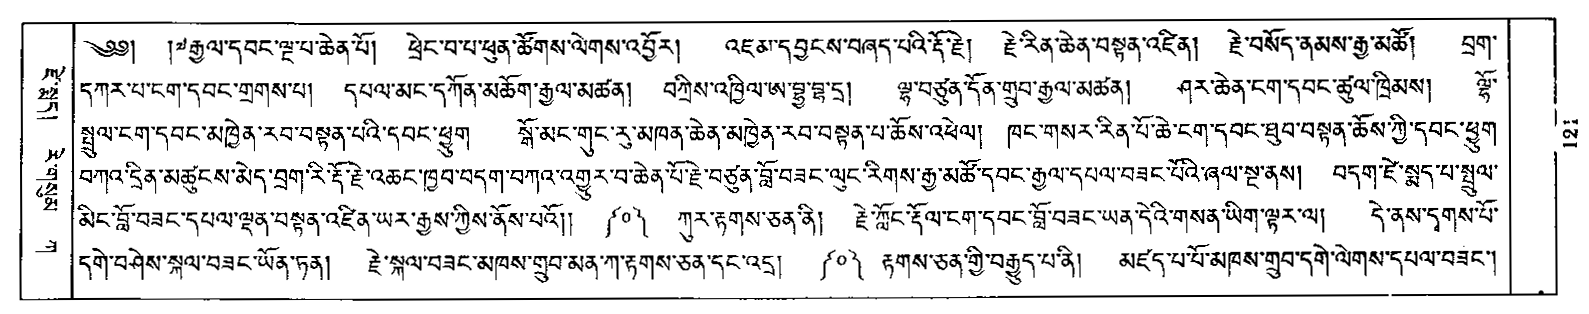༄༅། །༧རྒྱལ་དབང་ལྔ་པ་ཆེན་པོ། ཕྲེང་བ་པ་ཕུན་ཚོགས་ལེགས་འབྱོར། འཇམ་དབྱངས་བཞད་པའི་རྡོ་རྗེ། རྗེ་རིན་ཆེན་བསྟན་འཛིན། རྗེ་བསོད་ནམས་རྒྱ་མཚོ། བྲག་
དཀར་པ་ངག་དབང་གྲགས་པ། དཔལ་མང་དཀོན་མཆོག་རྒྱལ་མཚན། བཀྲིས་འཁྱིལ་ཨ་བྷྱ་བྷ་དྲ། ལྷ་བཙུན་དོན་གྲུབ་རྒྱལ་མཚན། ཤར་ཆེན་ངག་དབང་ཚུལ་ཁྲིམས། ལྷོ་
སྤྲུལ་ངག་དབང་མཁྱེན་རབ་བསྟན་པའི་དབང་ཕྱུག་སྒོ་མང་གུང་རུ་མཁན་ཆེན་མཁྱེན་རབ་བསྟན་པ་ཆོས་འཕེལ། ཁང་གསར་རིན་པོ་ཆེ་ངག་དབང་ཐུབ་བསྟན་ཆོས་ཀྱི་དབང་ཕྱུག་
བཀའ་དྲིན་མཚུངས་མེད་བྲག་རི་རྡོ་རྗེ་འཆང་ཁྱབ་བདག་བཀའ་འགྱུར་བ་ཆེན་པོ་རྗེ་བཙུན་བློ་བཟང་ལུང་རིགས་རྒྱ་མཚོ་དབང་རྒྱལ་དཔལ་བཟང་པོའི་ཞལ་སྔ་ནས། བདག་ཛེ་སྨད་པ་སྤྲུལ་
མིང་བློ་བཟང་དཔལ་ལྡན་བསྟན་འཛིན་ཡར་རྒྱས་ཀྱིས་ནོས་པའོ།། ༠?་ཀུར་རྟགས་ཅན་ནི། རྗེ་ཀློང་རྡོལ་ངག་དབང་བློ་བཟང་ཡན་དེའི་གསན་ཡིག་ལྟར་ལ། དེ་ནས་དྭགས་པོ་
དགེ་བཤེས་སྐལ་བཟང་ཡོན་ཏན། རྗེ་སྐལ་བཟང་མཁས་གྲུབ་མན་ཀ་རྟགས་ཅན་དང་འདྲ། ༠?་རྟགས་ཅན་གྱི་བརྒྱུད་པ་ནི། མཛད་པ་པོ་མཁས་གྲུབ་དགེ་ལེགས་དཔལ་བཟང་།